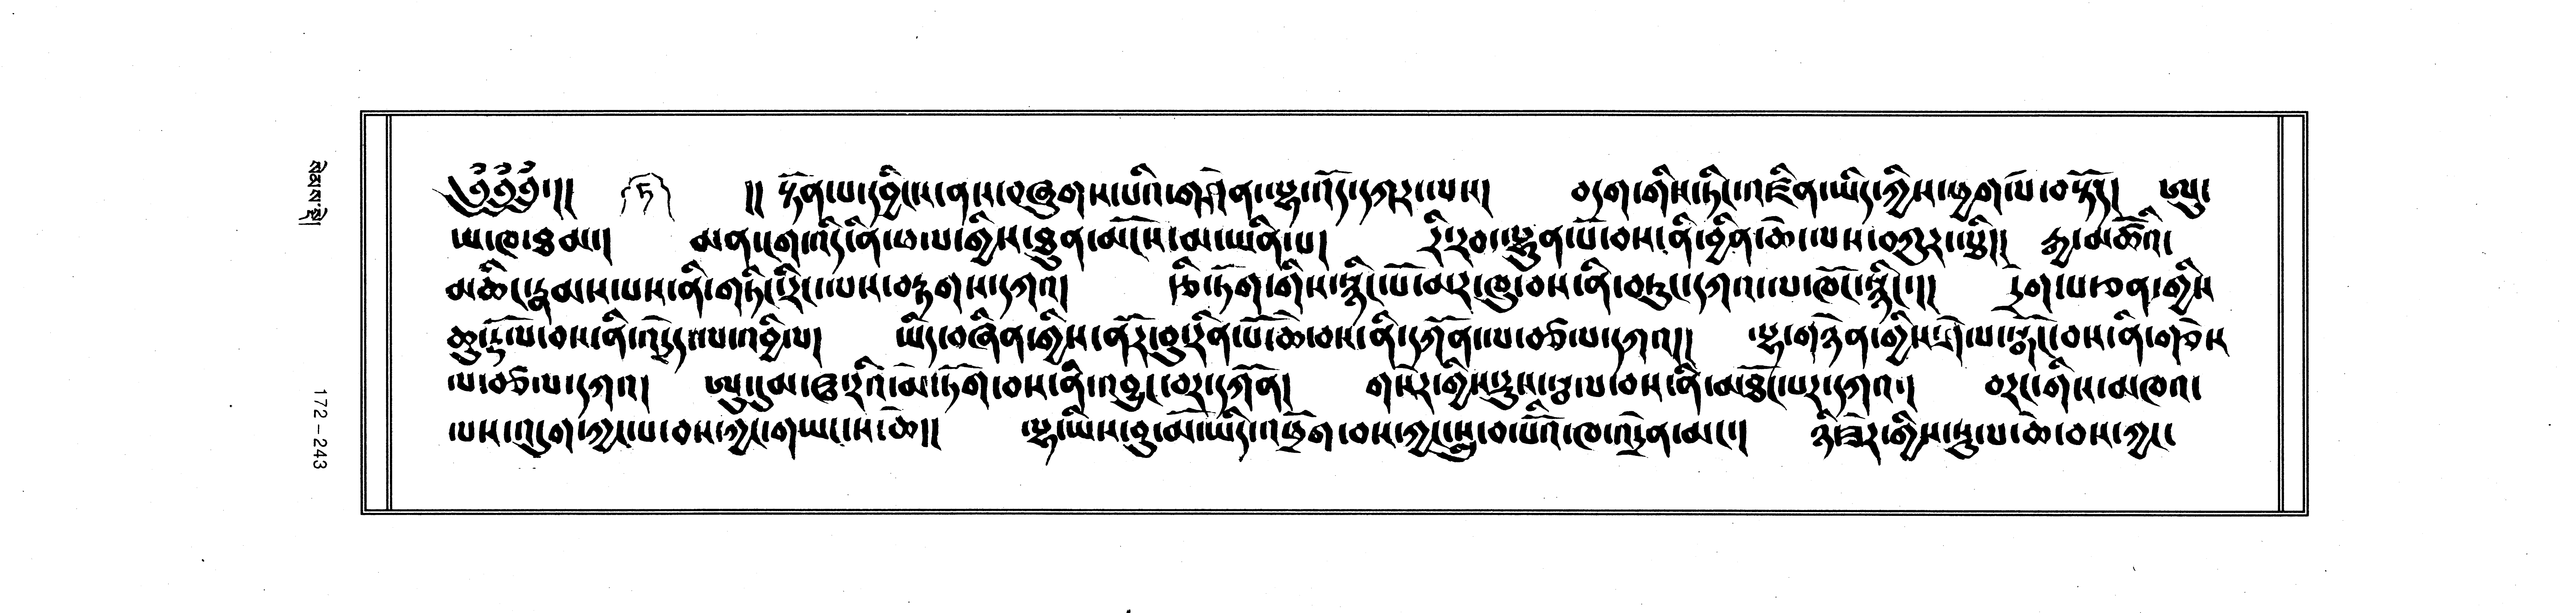༼ཏ༽༄༅༅།། །།སྟོན་པ་དབྱིངས་ནས་བཞུགས་པའི་གཤེན་ལྷ་འོད་དཀར་ལས། བདག་གིས་ཏིང་འཛིན་ཡིད་ཀྱིས་ཕྱག་འཚལ་བསྟོད། ཨུ་
ཡ་ཁ་ཐམ། མན་ངག་འདི་ནི་ཕལ་གྱིས་ཐུན་མོངས་མ་ཡིན་པ། རི་བར་ལྷུན་པོ་བས་ནི་བྱིན་ཆེ་ལས་བཀུར་ལྕི། རྒྱ་མཚོའི་
མཆིམ་རྣམ་པས་ནི་གཏིང་རིང་ལས་བརྟགས་དཀའ། རྩི་ཏོག་གིས་སྙིང་པོ་མར་ཁུ་བས་ནི་བཏུང་དཀའ་ལ་ཁོང་སྙིང་། དྲེགས་པ་ཅན་གྱིས་
ཆུ་རྡོལ་བས་ནི་འདྲེད་ལ་འབྱིལ། ཡིད་བཞིན་གྱིས་ནོར་བུ་རིན་པོ་ཆེ་བས་ནི་དཀོན་ལ་བཙལ་དཀའ། ལྷ་གཉེན་གྱིས་ཤེལ་སྒོང་བས་ནི་གཅེས་
ལ་བཙལ་དཀའ། ཨུ་དུམ་ཝ་རའི་མེ་ཏོག་བས་ནི་འབྱུང་བར་དཀོན། གསེར་གྱིས་རུས་སྦལ་བས་ནི་མཐོང་པར་དཀའ། བར་ནང་གིས་མཁའ་
ལས་འདུག་ཀྱང་པ་བས་ཀྱང་གཡང་ས་ཆེ། ལྷ་ཡིས་བུ་མོ་ཡིད་འཕྲོག་བས་ཀྱང་སླུ་བ་པོའི་ཁ་འདྲེན་མང་། ཉི་ཟེར་གྱིས་སྡུལ་ཆེ་བས་ཀྱང་།